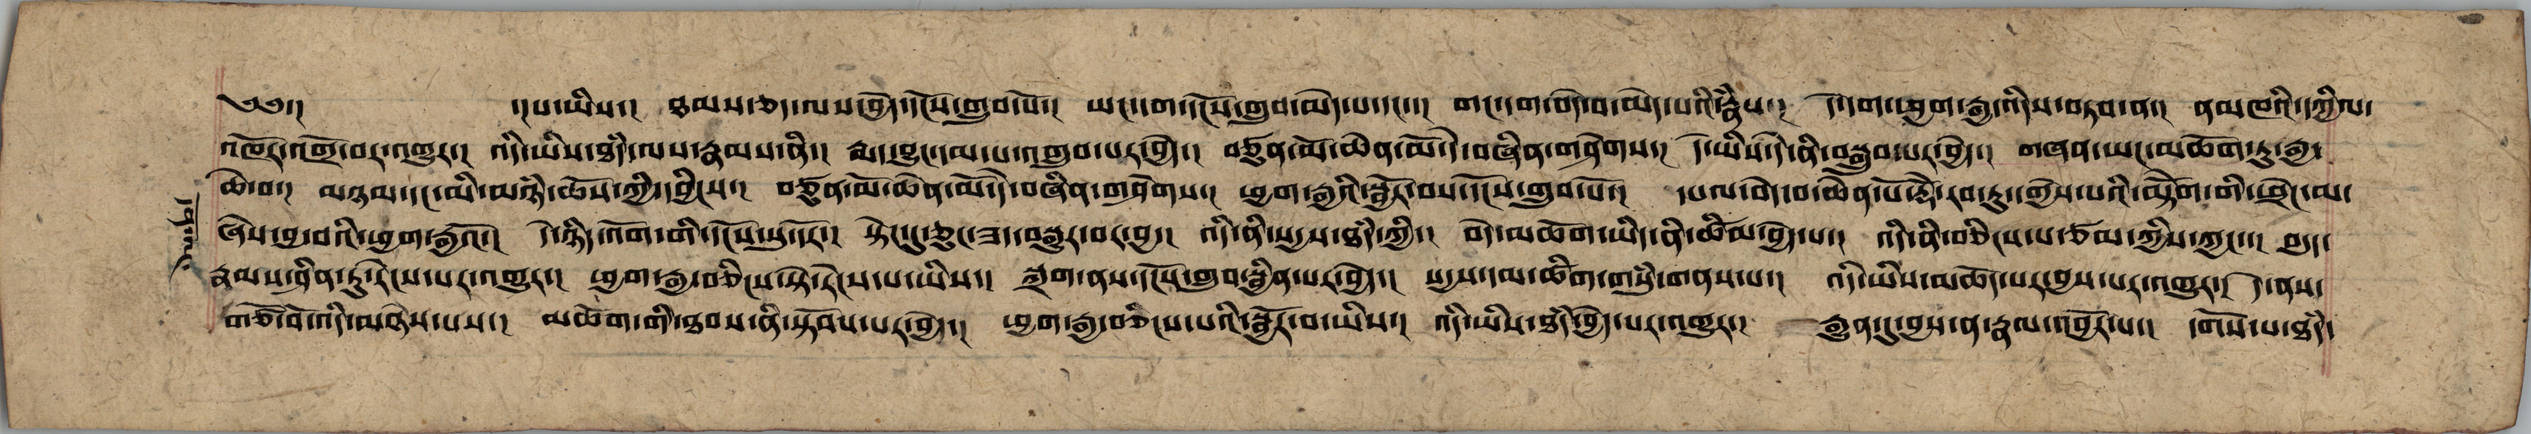༄༅་། ་།པ་ཡིས་། ཐམས་ཅད་ལས་བྱེད་དངོས་གྲུབ་པོ་། ཡང་དག་དངོས་གྲུབ་མེད་པ་དང་་། གང་དག་བདེ་བ་མེད་པའི་རྣཾས་། དེ་དག་ཕྱག་རྒྱ་འདིས་བཏབ་ན་། ནམཁའི་དཀྱིལ་
འཁོར་འགྲོ་བར་འགྱུར་། འདི་ཡིས་ཐཾད་ལས་རྣམས་ནི་། རྨད་བྱུང་དམ་པ་འགྲུབ་པར་བྱེད་། བཙུན་མོ་ཆེན་མོ་དེ་བཞིན་གཤེགས་། དེ་ཡིས་དེ་ནི་བསྒྲུབ་པར་བྱེད་། གཞན་ཡང་མཆོག་ཏུ་རྒྱ་
ཆེ་བ་། མཉམ་དང་མི་མཉཾ་ཆོས་ཀྱི་དབྱིངས་། བཙུན་མོ་ཆེན་མོ་དེ་བཞིན་གཤེགས་། ཕྱག་རྒྱའི་སྦྱོར་བས་དངོས་གྲུབ་པོ་། དཔལ་བདེ་བ་ཆེན་པོ་རྡོེ་རབ་ཏུ་དགྱེས་པའི་མྟེོག་གི་ཕྲེང་མ་
ཞེས་བྱ་བའི་ཕྱག་རྒྱའོ་། དེ་ཉིད་འོག་གི་དངོས་སུ་དོར་། སྟེང་དུ་ཅུང་ཟད་བསྒྱུར་བར་བྱ་། འདི་ནི་སདྱས་ཐཾད་ཀྱི་། བདེ་མཆོག་ཡིད་ནི་ཚིམ་བྱེད་པ་། འདི་ནི་བཅིངས་པ་ཙམ་ཀྱིས་ཀྱང་་། བདུད་
རྣམས་ཤིན་ཏུ་རིངས་པར་འགྱུར་། ཕྱག་རྒྱ་བཅིངས་སྟེ་རིངས་པ་ཡིས་། སྐྲག་ནས་དངོས་གྲུབ་སྦྱིན་པར་བྱེད་། སདྱས་དམ་ཚིག་གསུཾ་གནས་པ་། འདི་ཡིས་མཆོད་པར་བྱས་པར་འགྱུར་། དེ་ནས་
གཙོ་བོ་འདི་མཉེས་པས་། མཆོག་གི་ཐབས་ནི་སྟོབས་པར་བྱེད་། ཕྱག་རྒྱ་བཅིངས་པའི་སྦྱོར་བ་ཡིས་། འདི་ཡིས་ཐཾད་བྱེད་པར་འགྱུར་། རྒྱུན་དུ་བྱས་ན་རྣལ་འབྱོར་པ་། དགོས་པ་ཐཾད་